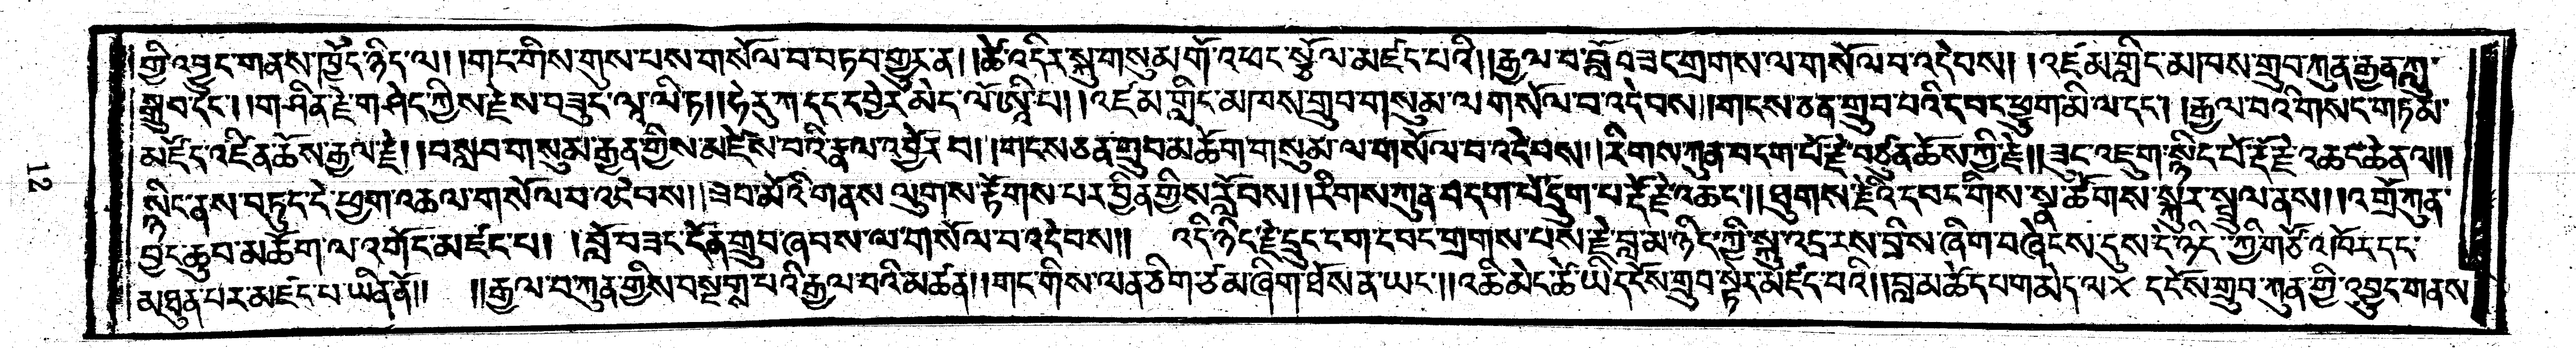གྱི་འབྱུང་གནས་ཁྱོད་ཉིད་ལ། །གང་གིས་གུས་པས་གསོལ་བ་བཏབ་གྱུར་ན། །ཚེ་འདིར་སྐུ་གསུམ་གོ་འཕང་སྩོལ་མཛད་པའི། །རྒྱལ་བ་བློ་བཟང་གྲགས་ལ་གསོལ་བ་འདེབས། །འཛམ་གླིང་མཁས་གྲུབ་ཀུན་རྒྱན་ཀླུ་
སྒྲུབ་དང་། །གཤིན་རྗེ་གཤེད་ཀྱིས་རྗེས་བཟུང་ལཱ་ལི་ཏ། །ཧེ་རུ་ཀ་དང་དབྱེར་མེད་ལོ་ཨཱི་པ། །འཛམ་གླིང་མཁས་གྲུབ་གསུམ་ལ་གསོལ་བ་འདེབས། །གངས་ཅན་གྲུབ་པའི་དབང་ཕྱུག་མི་ལ་དང་། །རྒྱལ་བའི་གསང་གཏམ་
མཛོད་འཛིན་ཆོས་རྒྱལ་རྗེ། །བསླབ་གསུམ་རྒྱན་གྱིས་མཛེས་པའི་རྣལ་འབྱོར་བ། །གངས་ཅན་གྲུབ་མཆོག་གསུམ་ལ་གསོལ་བ་འདེབས། །རིགས་ཀུན་བདག་པོ་རྗེ་བཙུན་ཆོས་ཀྱི་རྗེ། །ཟུང་འཇུག་སྙིང་པོ་རྡོ་རྗེ་འཆང་ཆེན་ལ།།
སྙིང་ནས་བཏུད་དེ་ཕྱག་འཆལ་གསོལ་བ་འདེབས། །ཟབ་མོའི་གནས་ལུགས་རྟོགས་པར་བྱིན་གྱིས་རློབས། །རིགས་ཀུན་བདག་པོ་དྲུག་པ་རྡོ་རྗེ་འཆང་། །ཐུགས་རྗེའི་དབང་གིས་སྣ་ཚོགས་སྐུར་སྤྲུལ་ནས། །འགྲོ་ཀུན་
བྱང་ཆུབ་མཆོག་ལ་འགོང་མཛད་པ། །བློ་བཟང་དོན་གྲུབ་ཞབས་ལ་གསོལ་བ་འདེབས། འདི་ཉིད་རྗེ་དྲུང་ངག་དབང་གྲགས་པས་རྗེ་བླ་མ་ཉིད་ཀྱི་སྐུ་འདྲ་རས་བྲིས་ཞིག་བཞེངས་དུས་དེ་ཉིད་ཀྱི་གཙོ་འཁོར་དང་
མཐུན་པར་མཛད་པ་ཡིན་ནོ།། །།རྒྱལ་བ་ཀུན་གྱིས་བསྔགས་པའི་རྒྱལ་བའི་མཚན། །གང་གིས་ལན་ཅིག་ཙམ་ཞིག་ཐོས་ན་ཡང་། །འཆི་མེད་ཚེ་ཡི་དངོས་གྲུབ་སྟེར་མཛད་པའི། །བླ་མ་ཚེ་དཔག་མེད་ལ་྾་དངོས་གྲུབ་ཀུན་གྱི་འབྱུང་གནས་